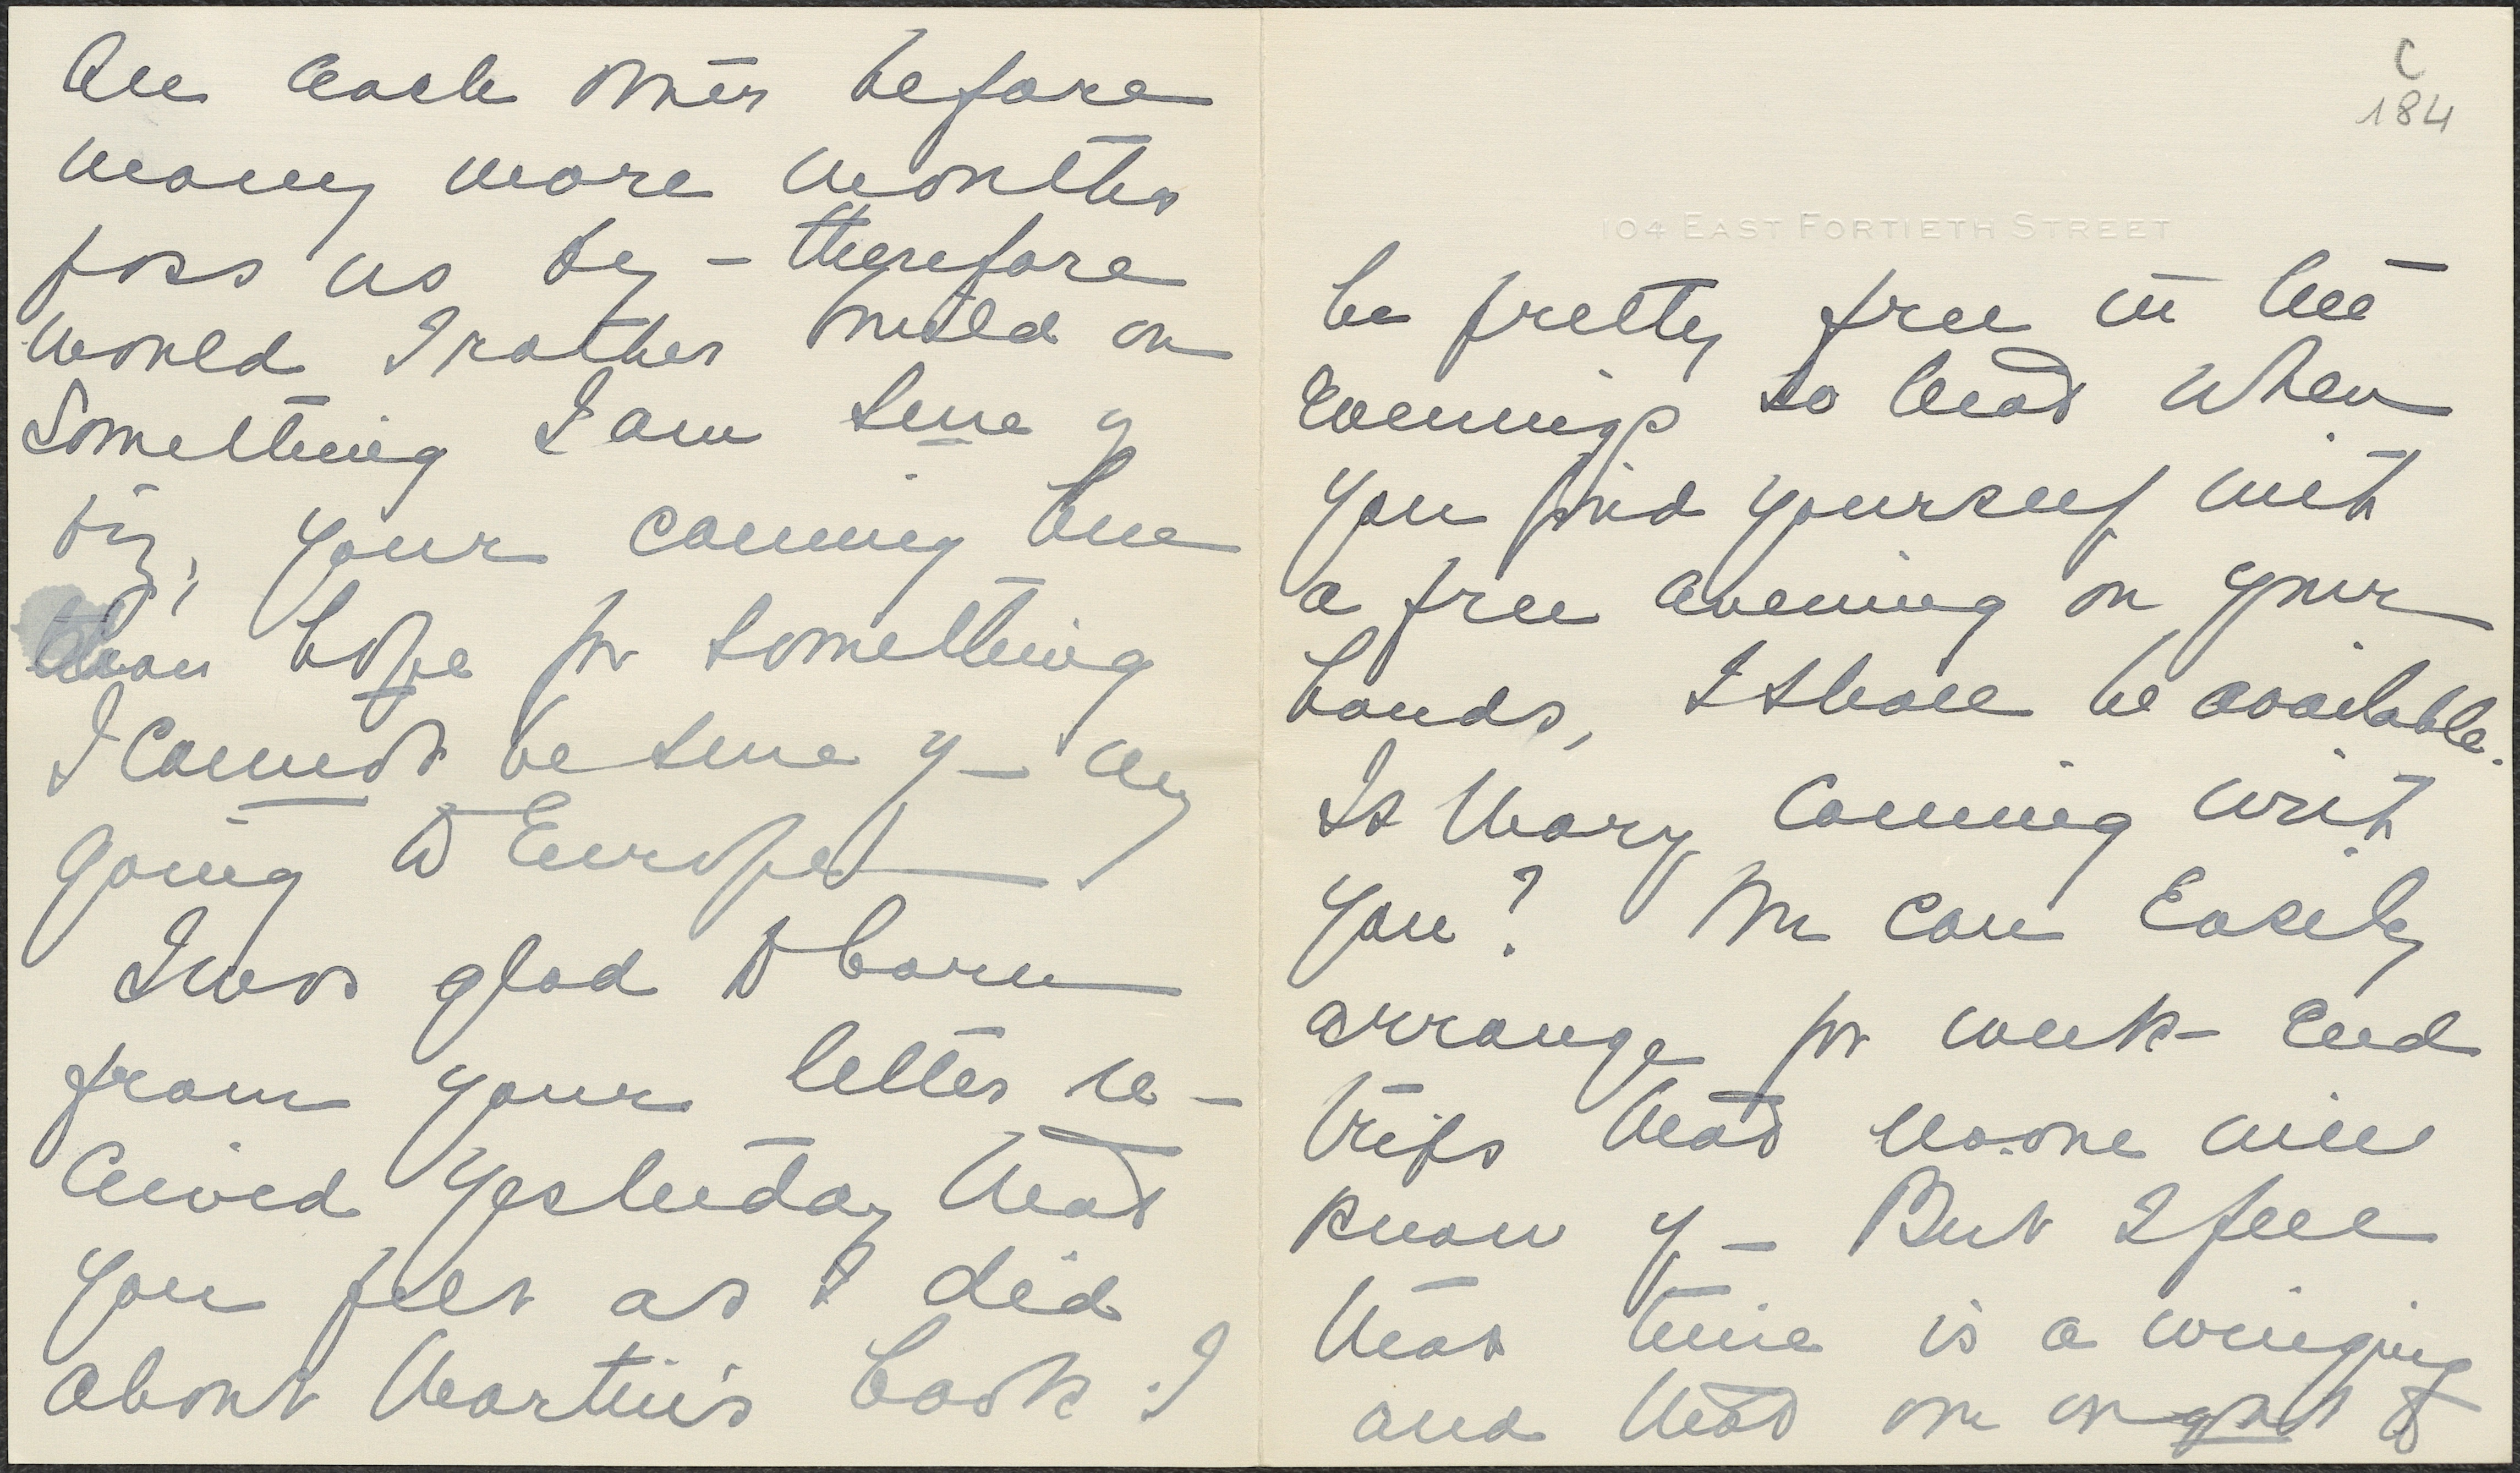be pretty free in the evenings so that when you find yourself with a free evening on your hands, I shall be available. Is Mary coming with you? We can easily arrange for week-end trips that noone [sic] will know of – But I feel that time is a winging and that one ought to
see each other before many more months pass us by – therefore would I rather build on something I am sure of viz, your coming here than hope for something I cannot be sure of – my going to Europe –
I was glad to learn from your letter received yesterday that you felt as I did about Martin’s book. I